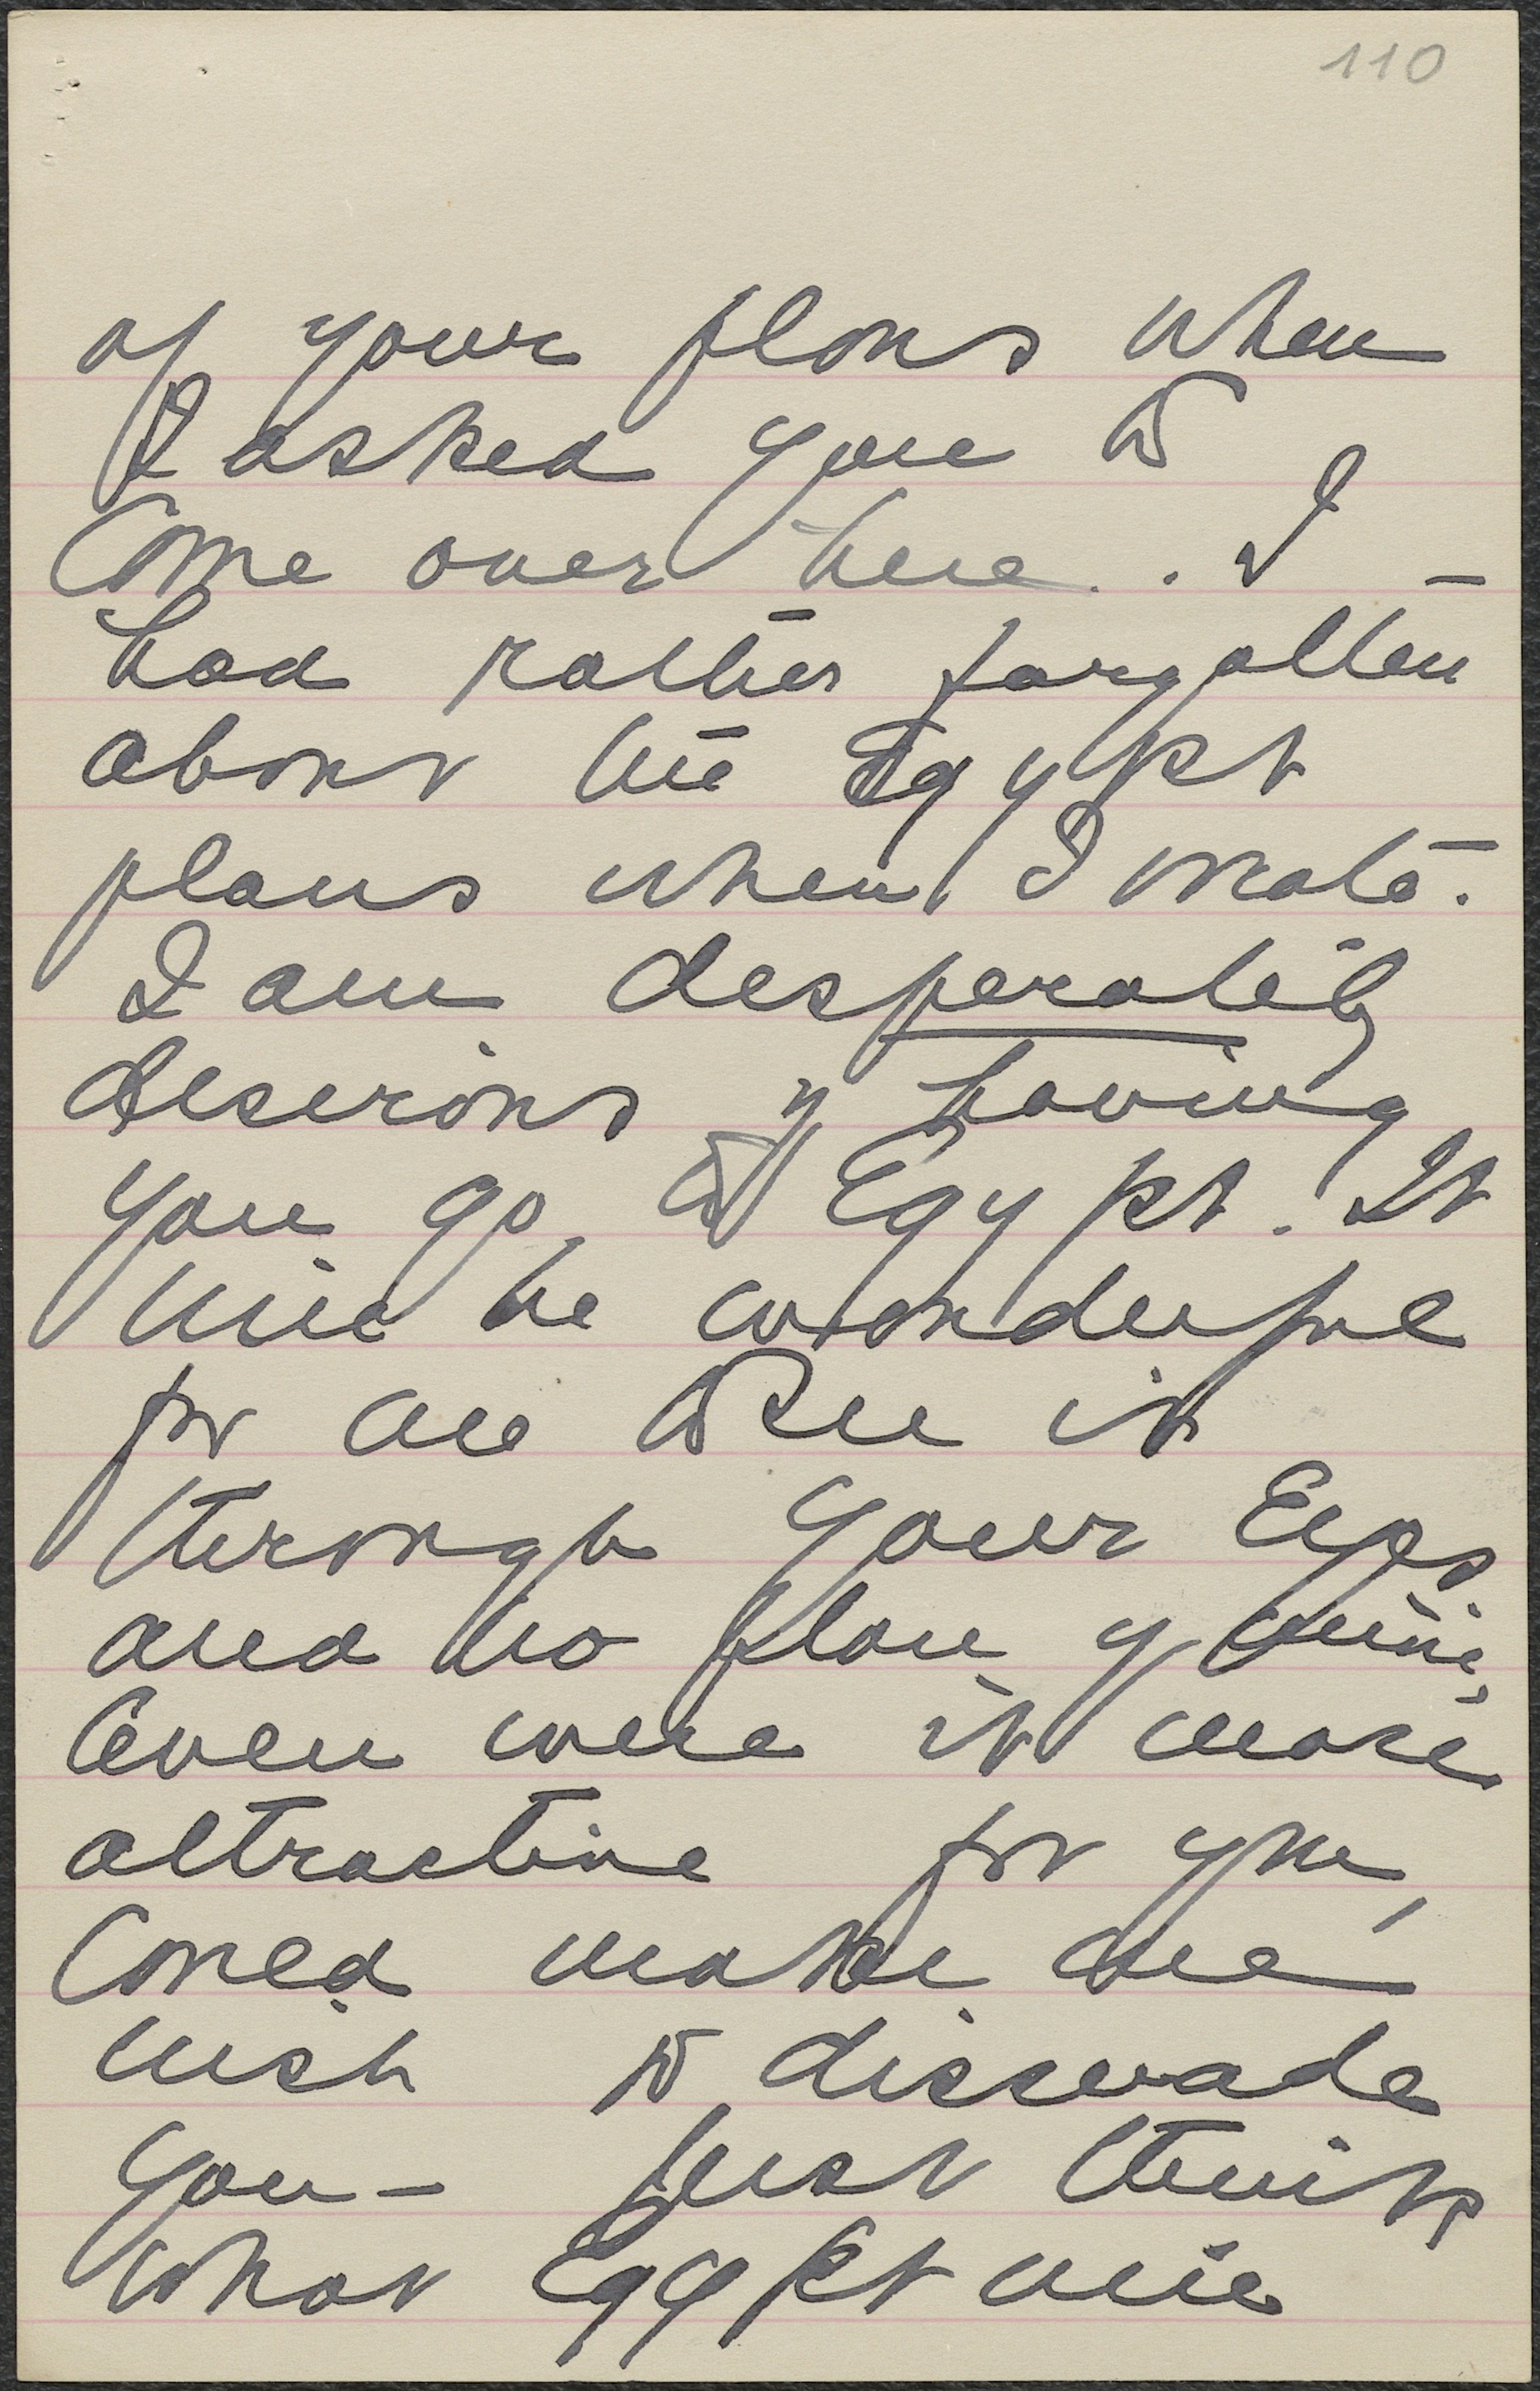of your plans where I asked you to come over there. I had rather forgotten about the Egypt plans when I wrote. I am desperately desirous of having you go to Egypt. It will be wonderful for me to see it through your eyes and no plan of mine, even were it more attractive for you, could make me wish to dissuade you – just think what Egypt will